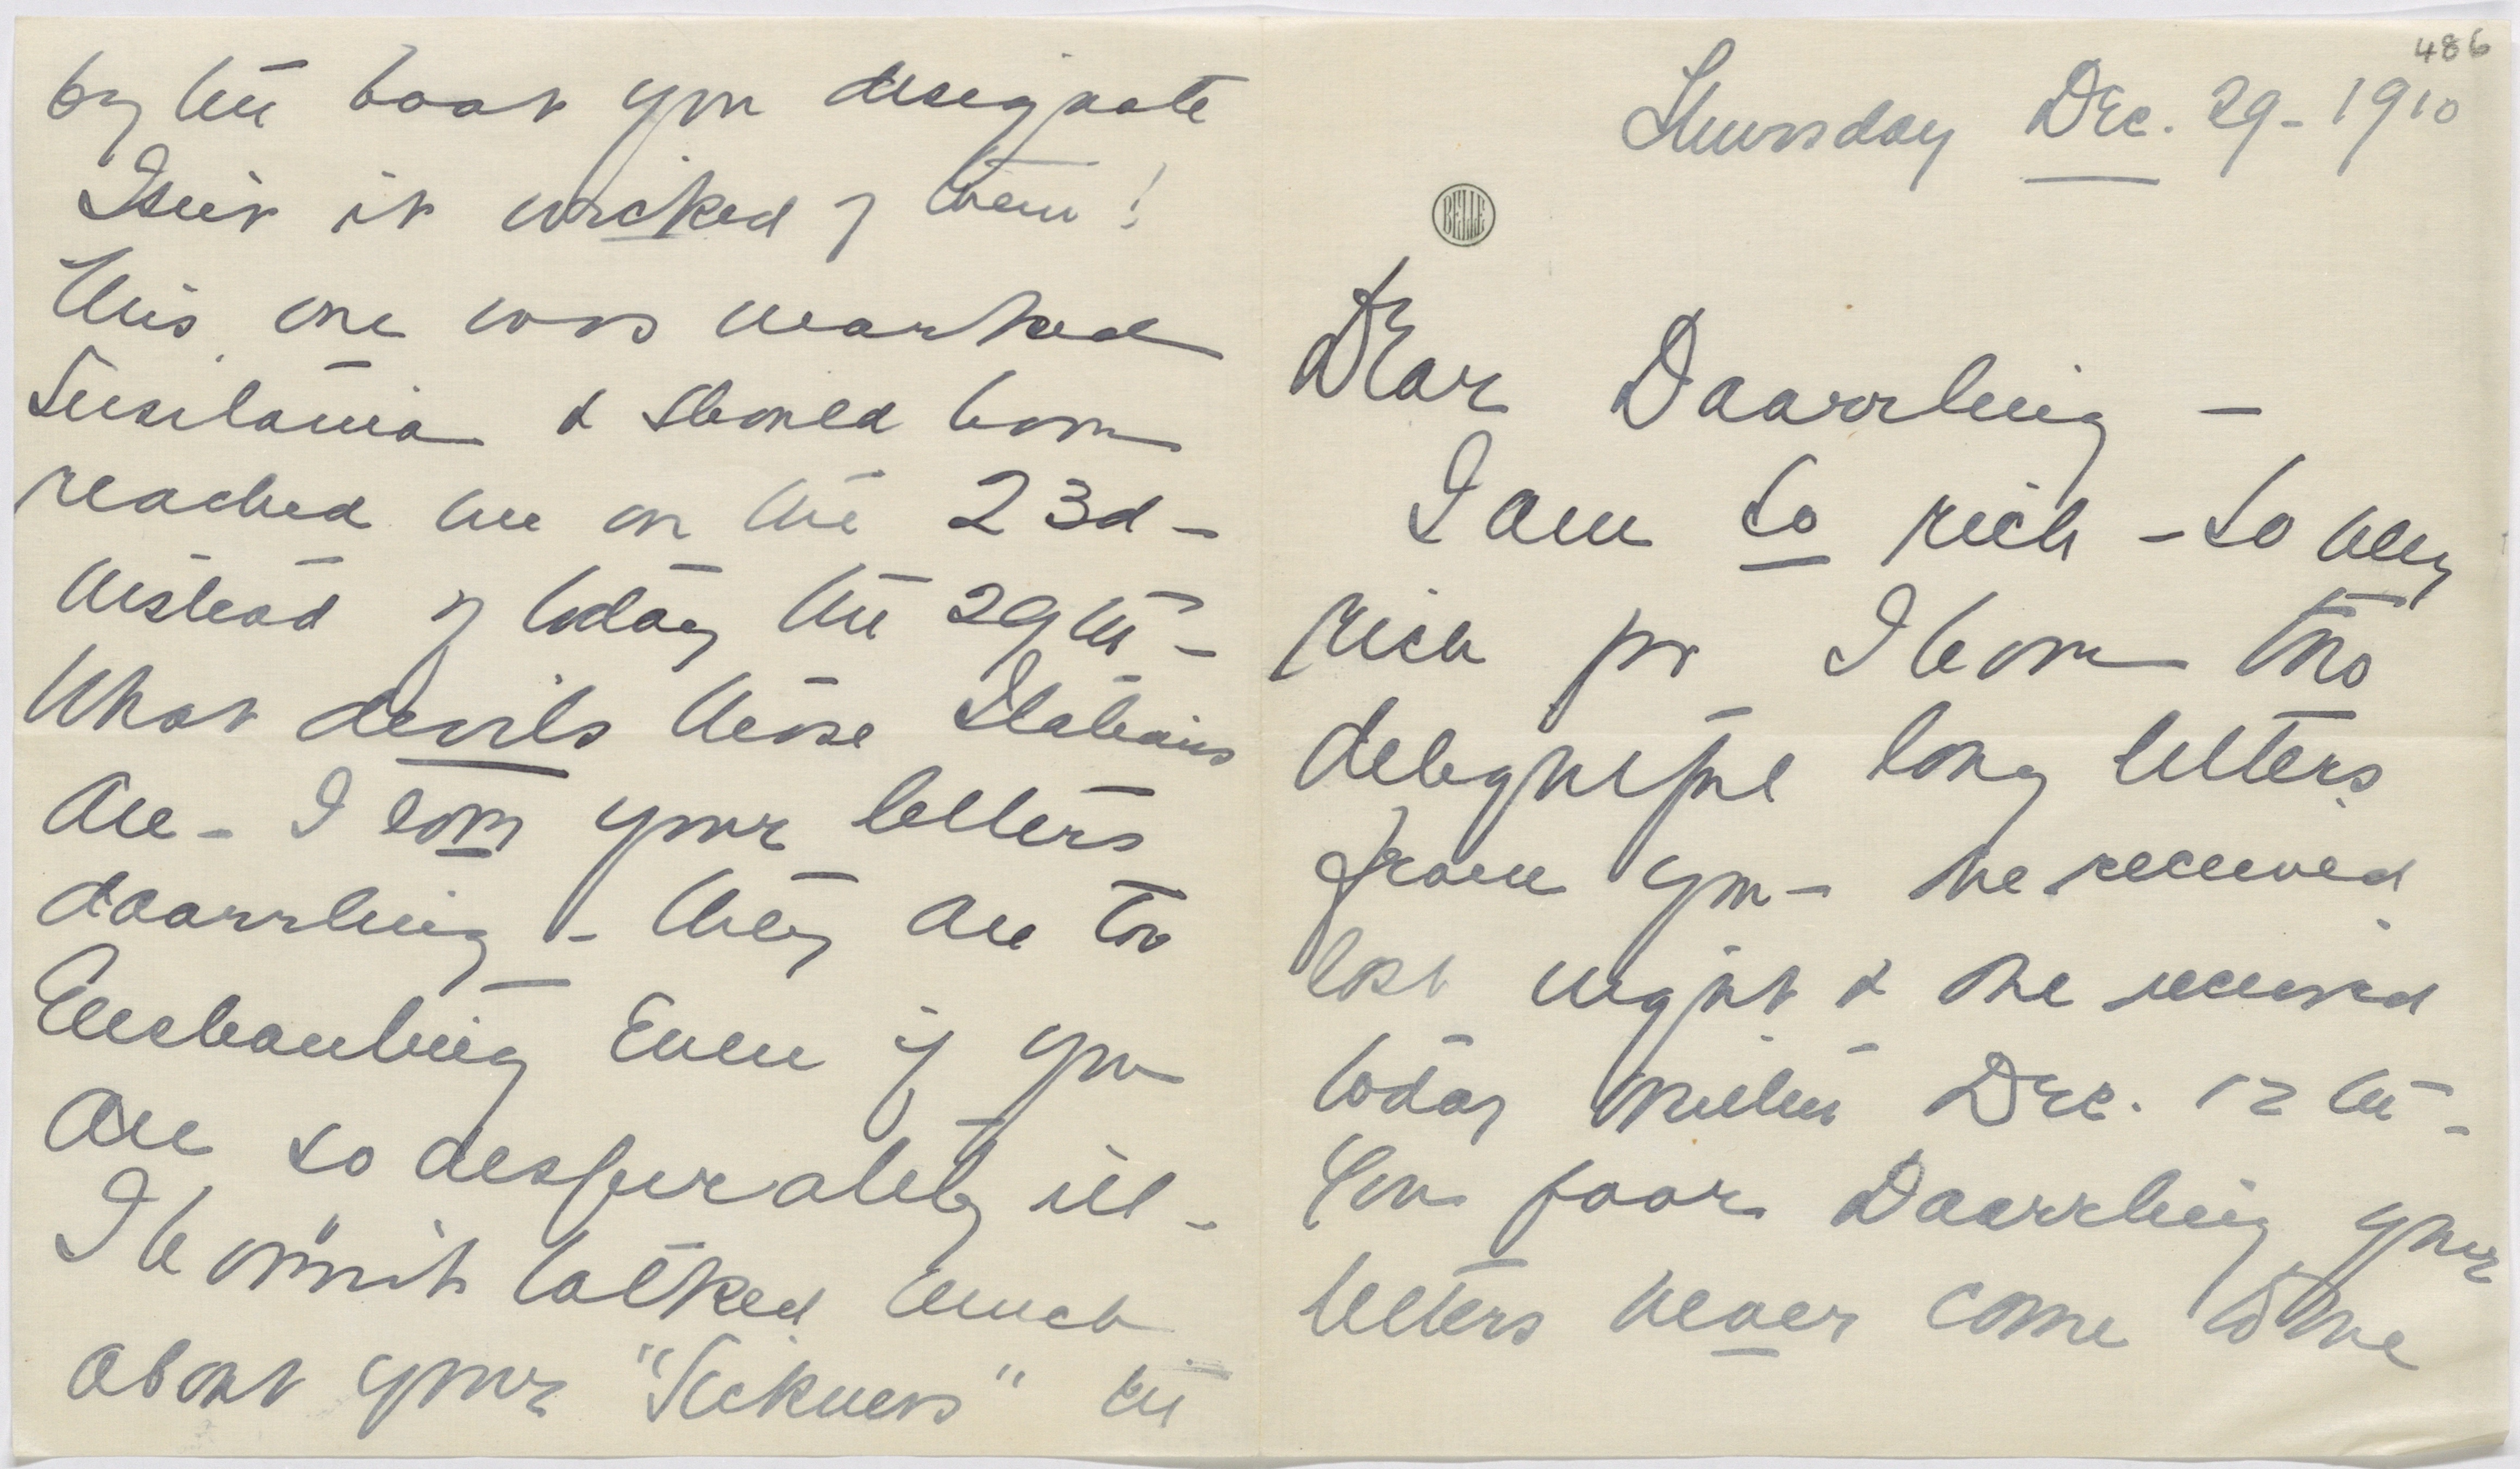Thursday Dec. 29 – 1910
Dear Daarrling –
I am so rich – so very rich for I have two delightful long letters from you – one received last night & one received today written Dec. 12th – You poor Daarrling your letters never come to me
by the boat you designate
Isn’t it wicked of them! This one was marked Lusitania & should have reached me on the 23d – instead of today the 29th – What devils those Italians are – I love your letters daarrling even if
you are so desperately ill – I haven’t talked much about your “sickness” in